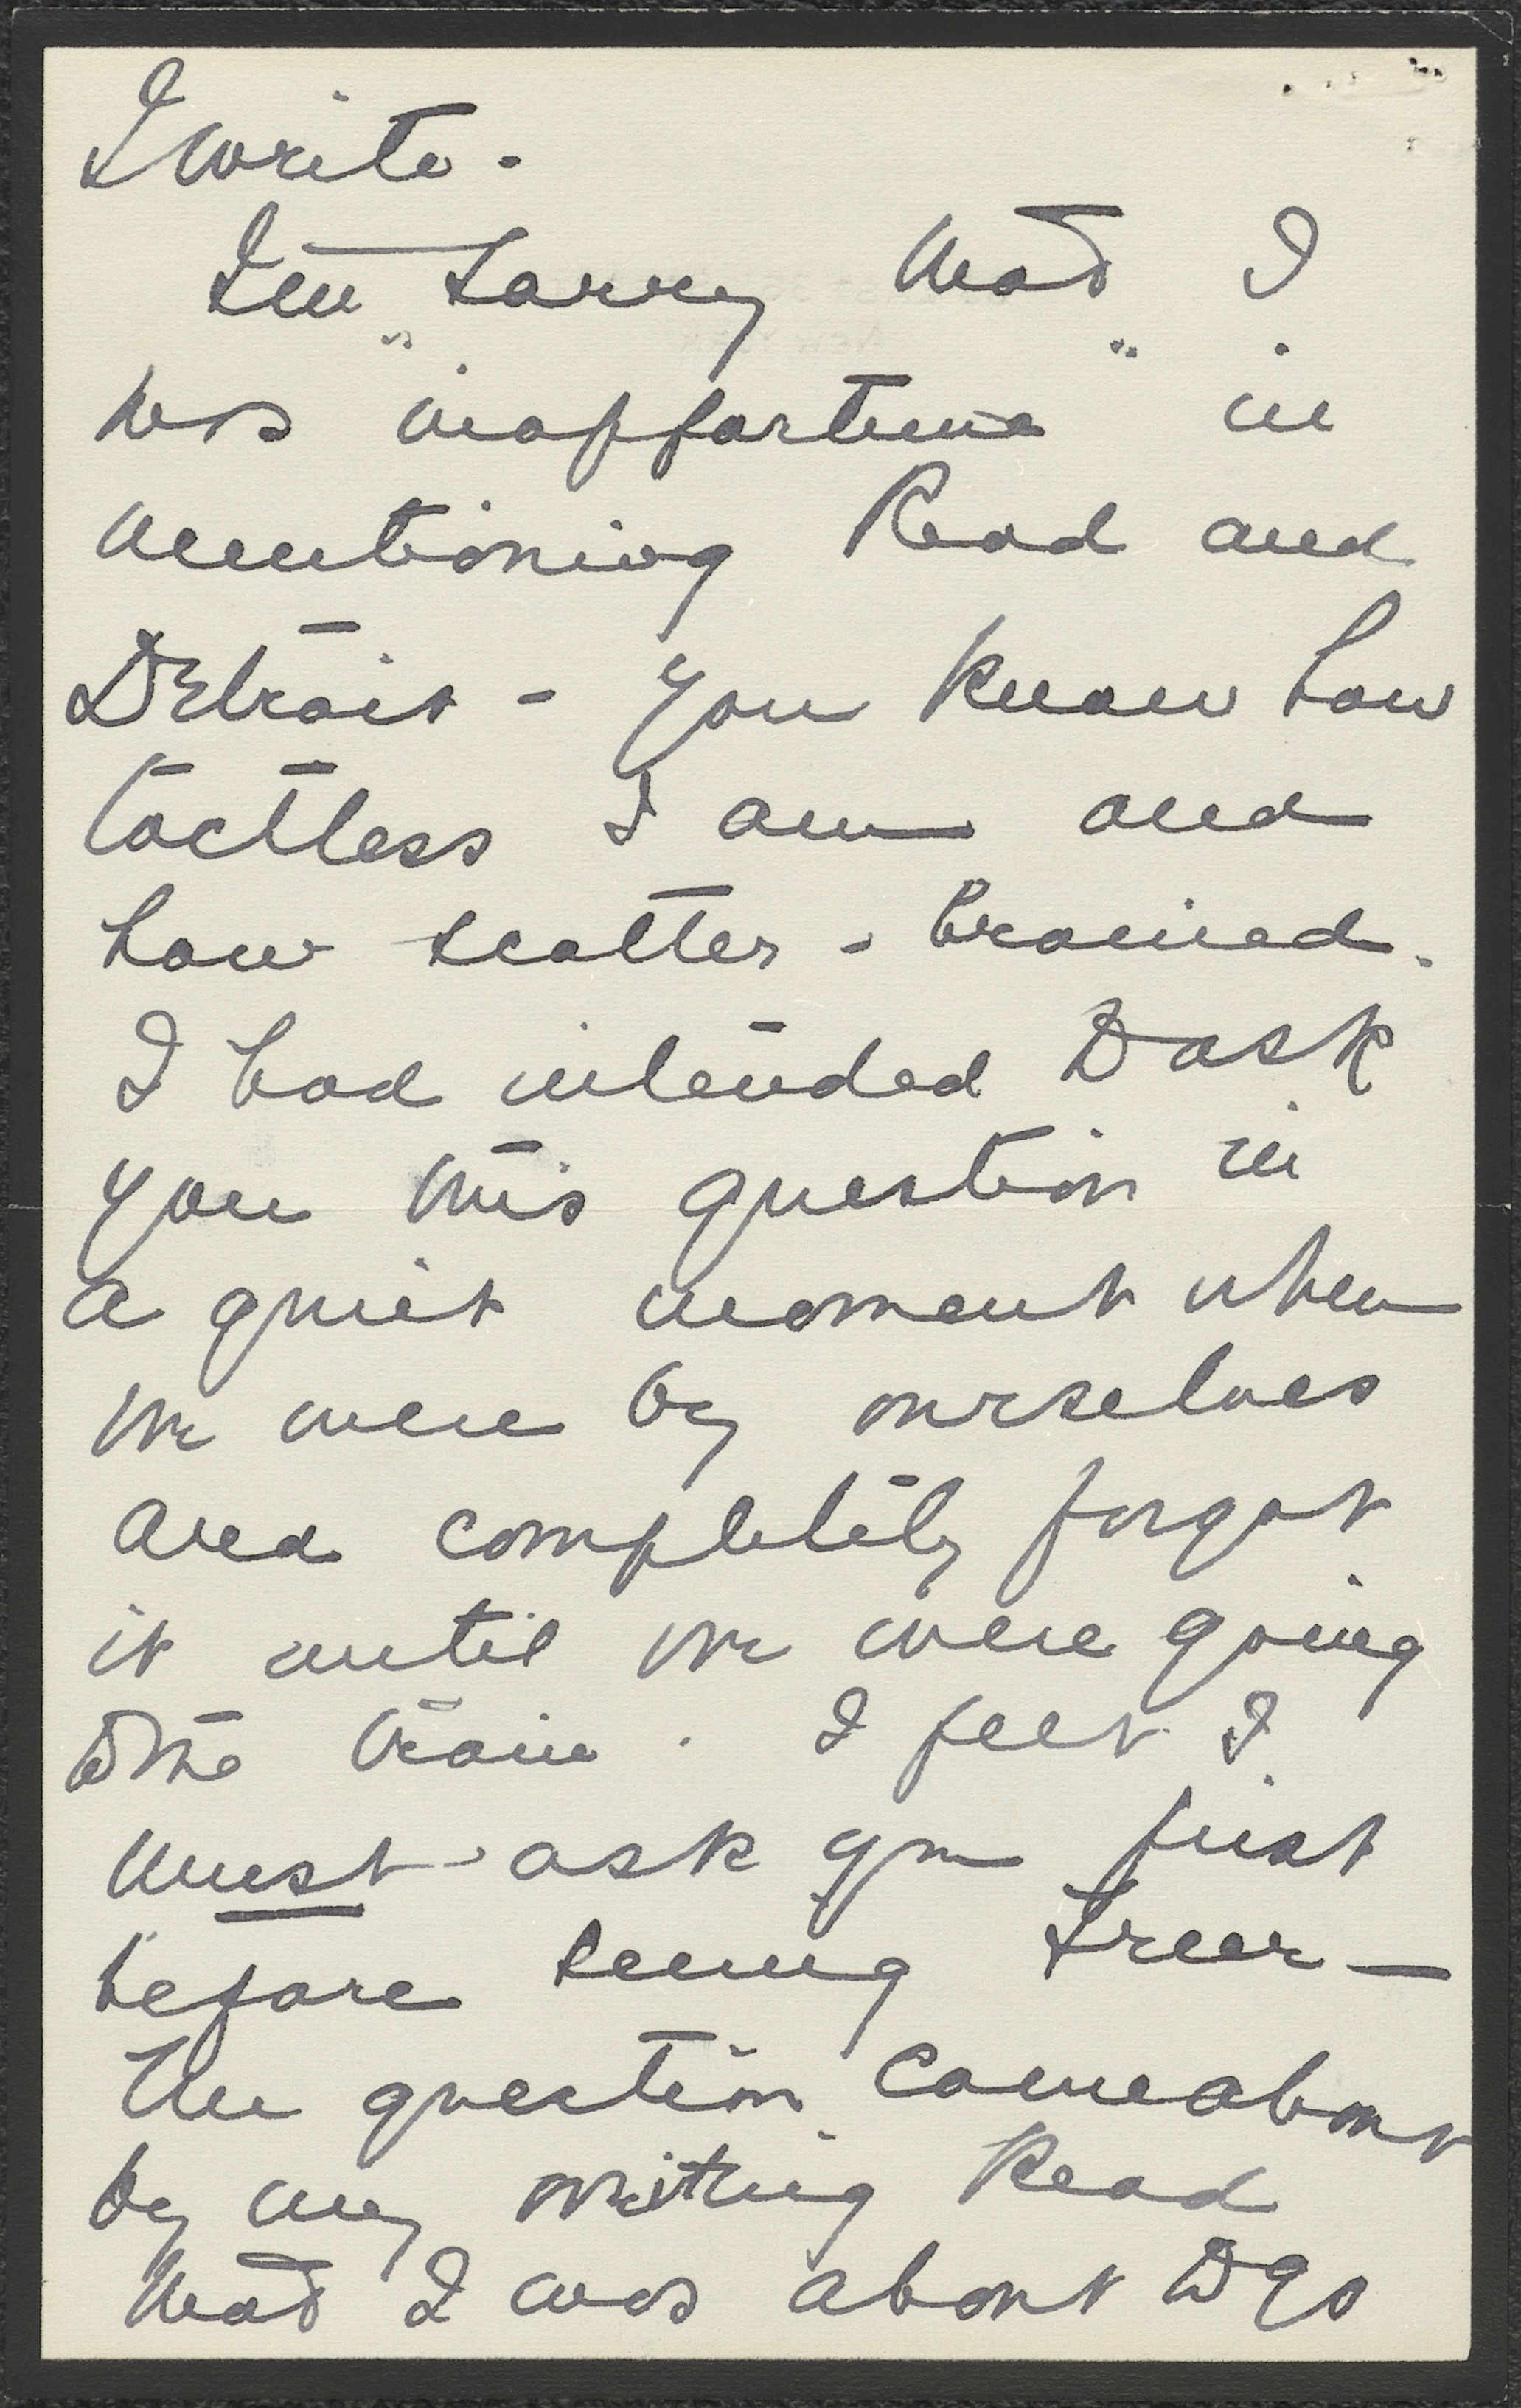I write.
I’m sorry that I was “inopportune” in mentioning Read and Detroit – you know how tactless I am and how scatter-brained. I had intended to ask you this question in a quiet moment when we were by ourselves and completely forgot it until we were going to the train. I felt I must ask you first before seeing Freer – the question came about by my writing Read that I was about to go